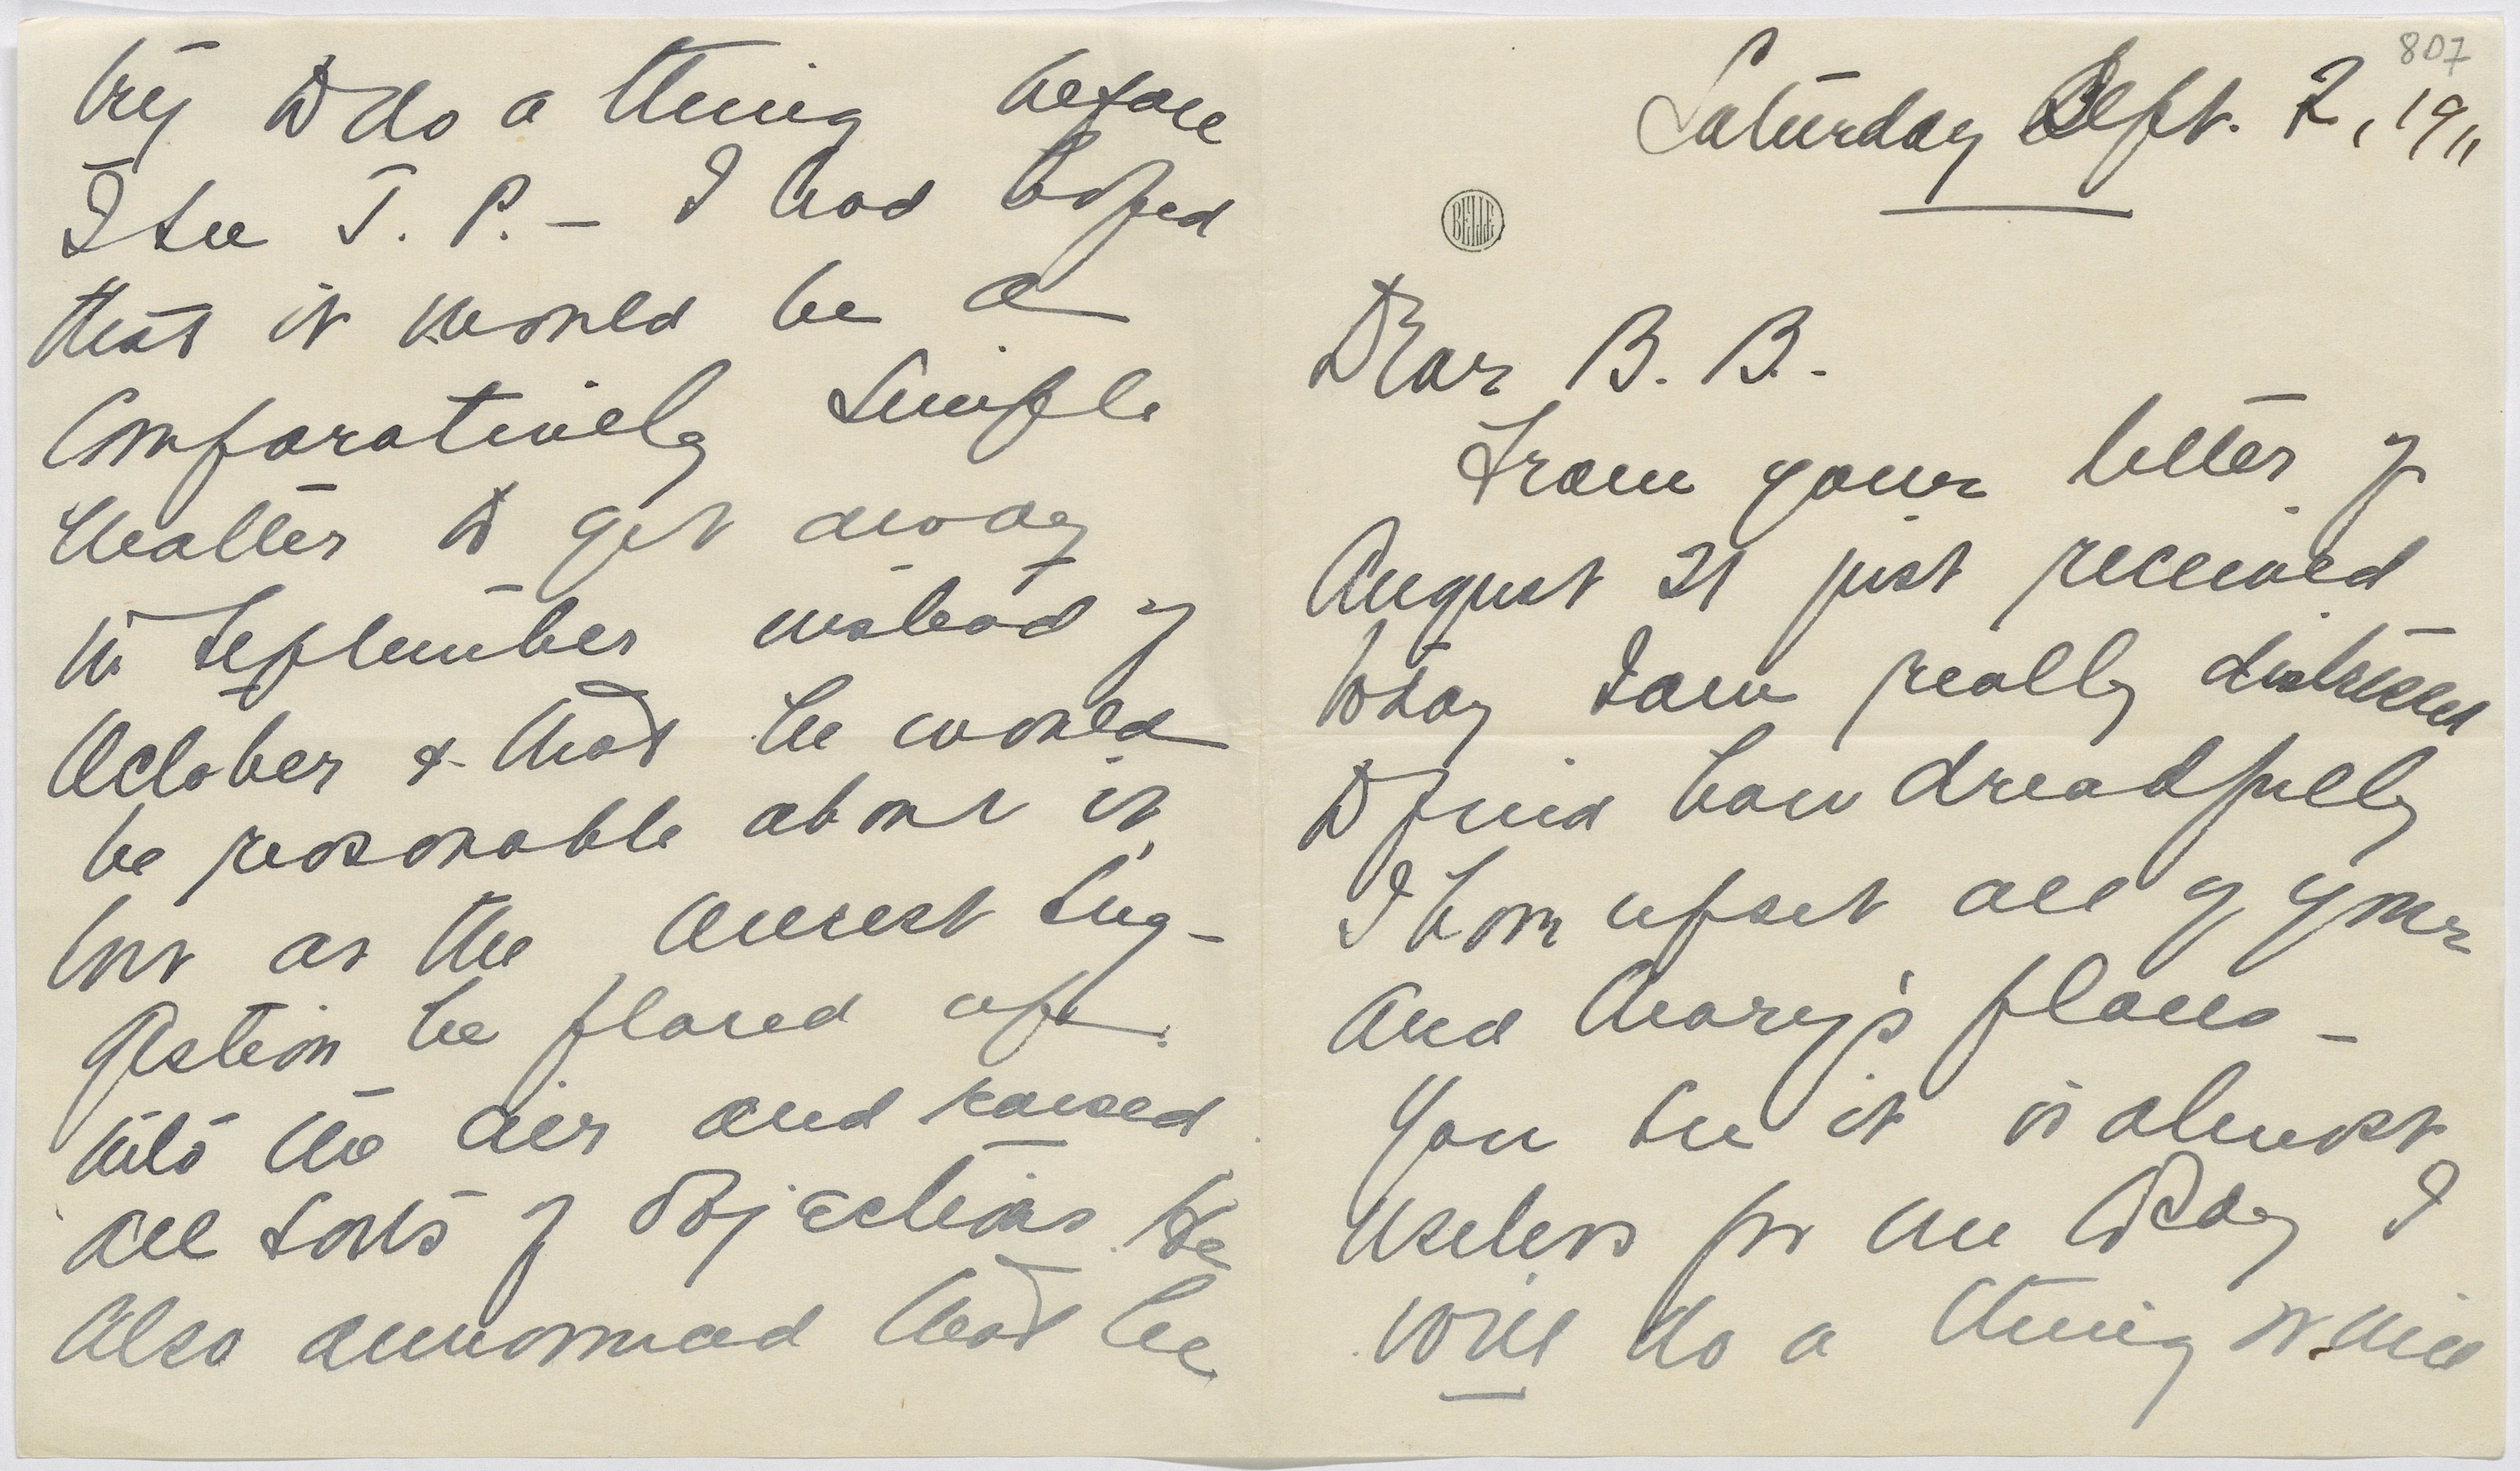Saturday Sept. 2
Dear B. B. –
From your letter of August 21 just received today I am really distressed to find how dreadfully I have upset all of your and Mary’s plans –
You see it is almost useless for me to say I will do a thing or will
try to do a thing before I see J. P. – I had hoped that it would be a comparatively simple matter to get away in September instead of October & that he would be reasonable about it, but at the nearest suggestion he flared up into the air and raised all sorts of objections. He also announced that he